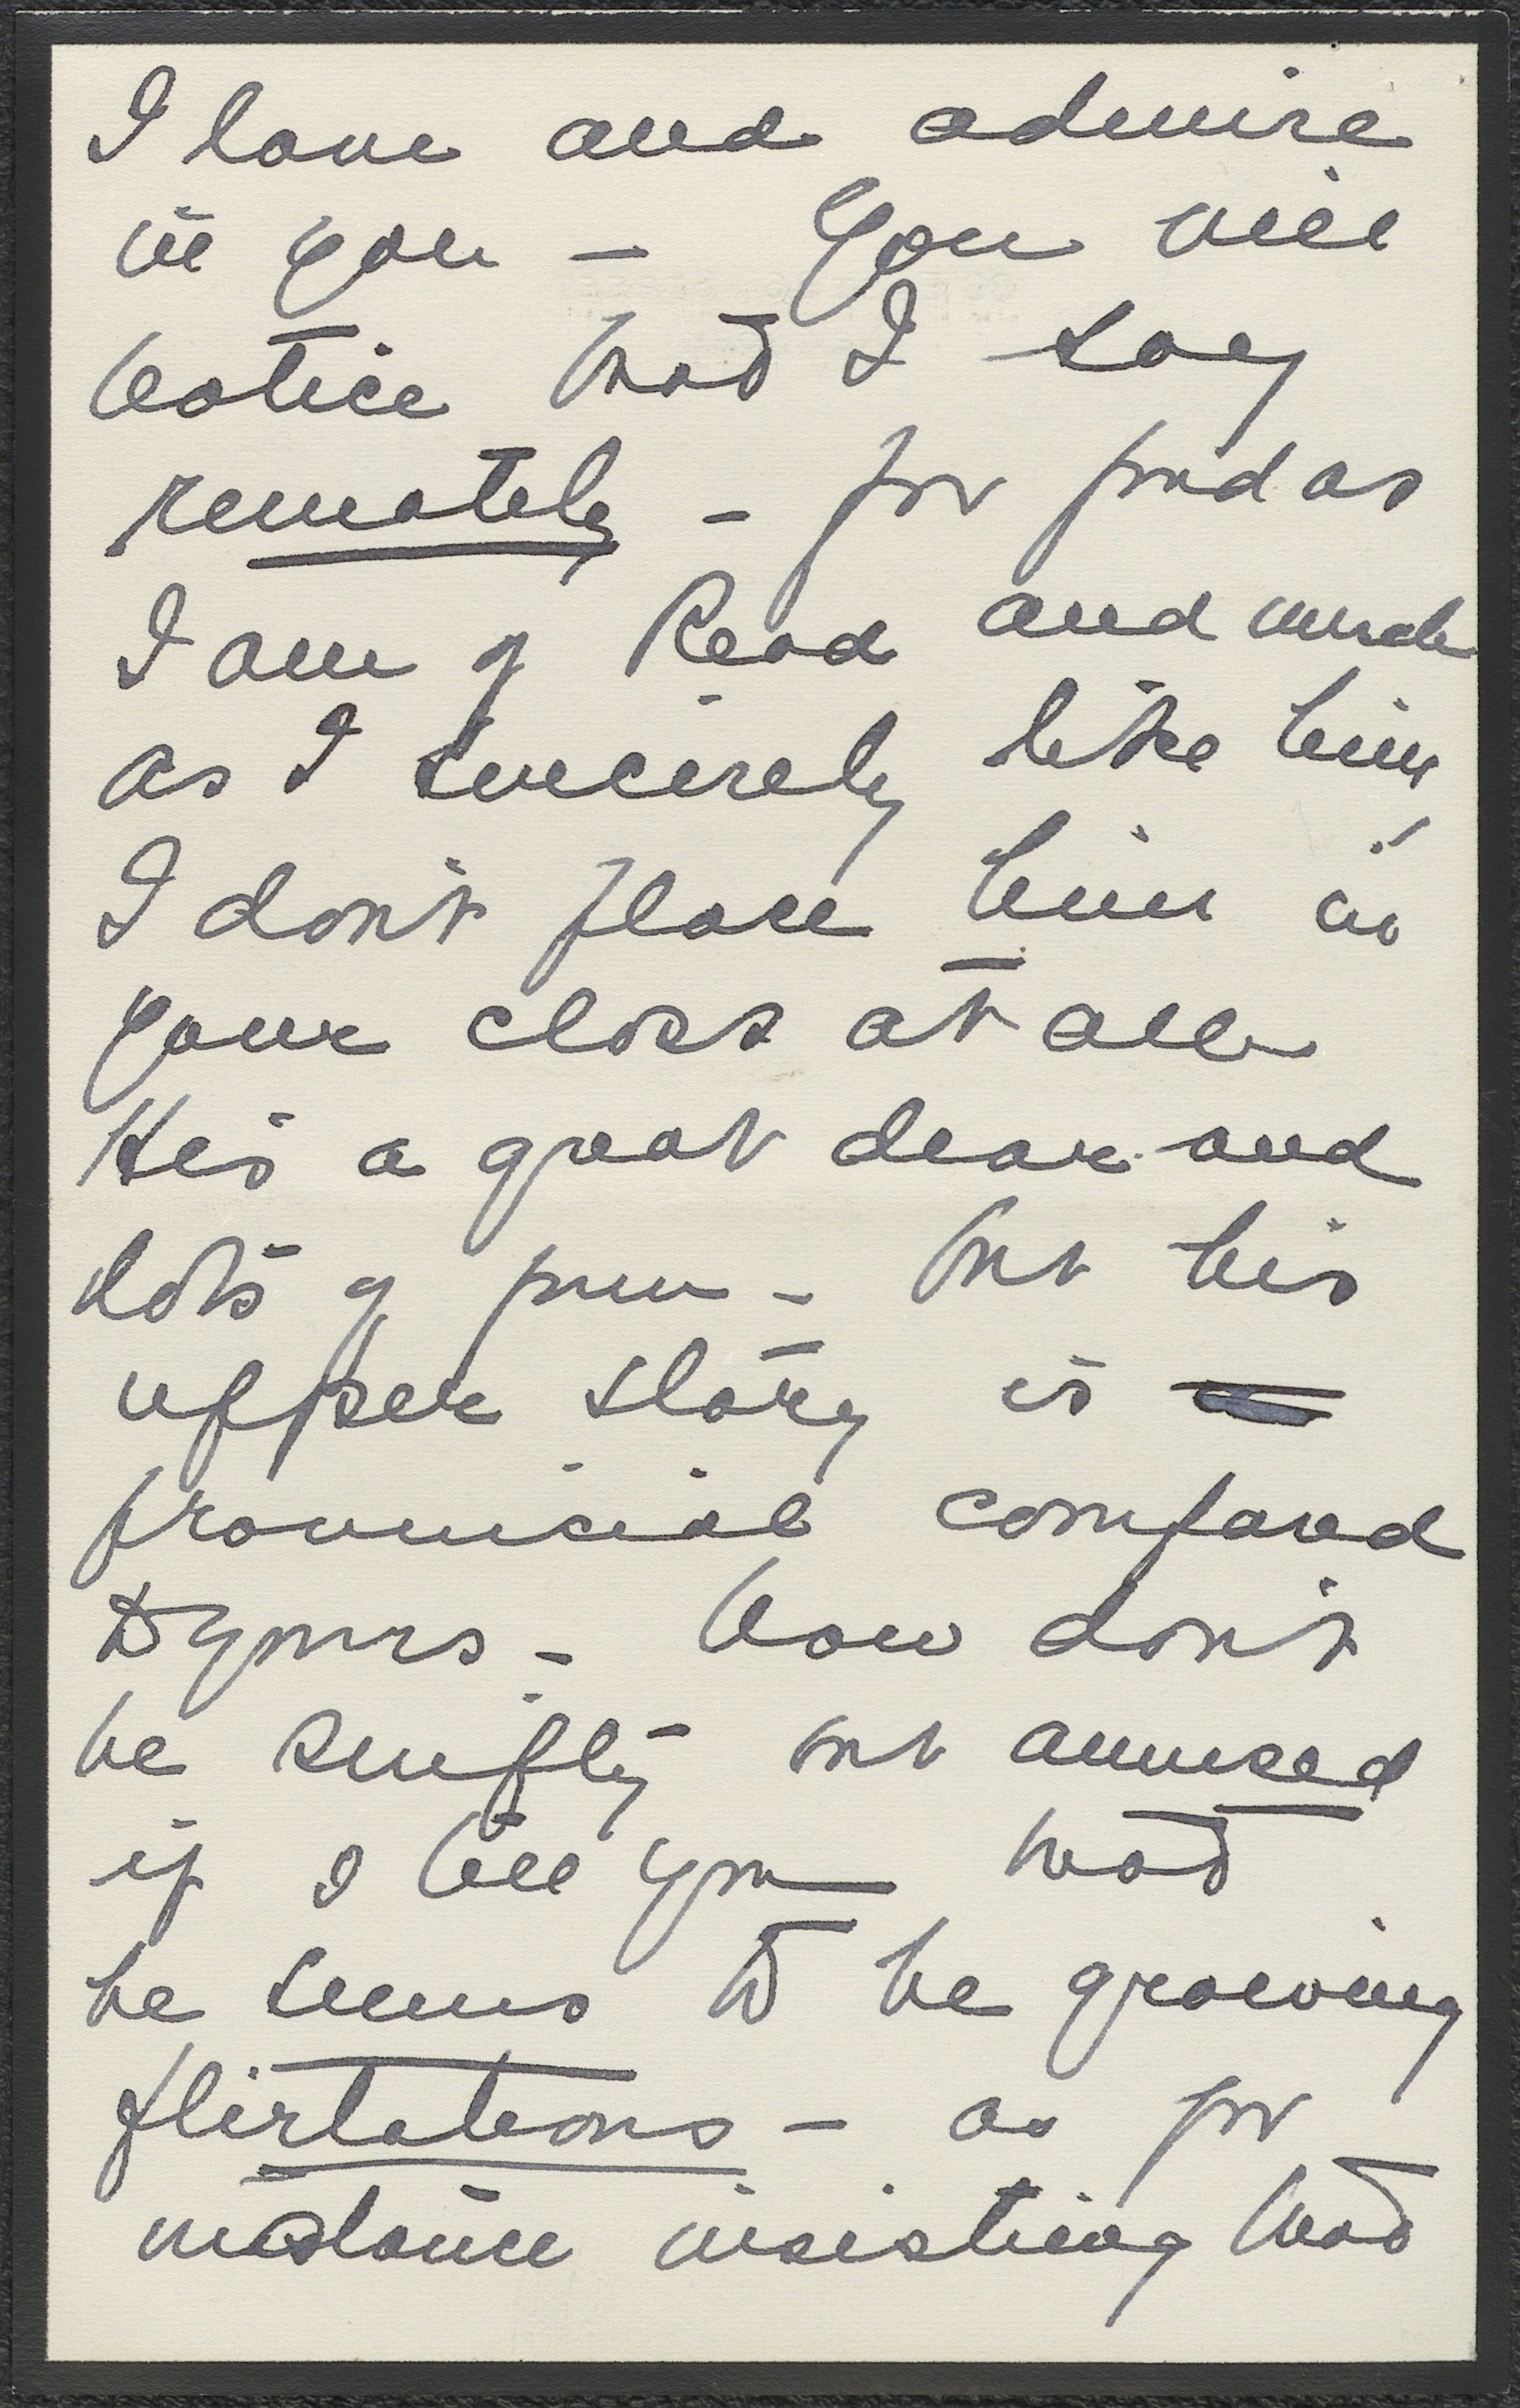I love and admire in you – you will notice that I say remotely – for fond as I am of Read and much as I sincerely like him, I don’t place him in your class at all – He’s a great dear and lots of fun – but his upper story is a provincial compared to yours – Now don’t be snifty but amused if I tell you that he seems to be growing flirtatious – as for instance insisting that